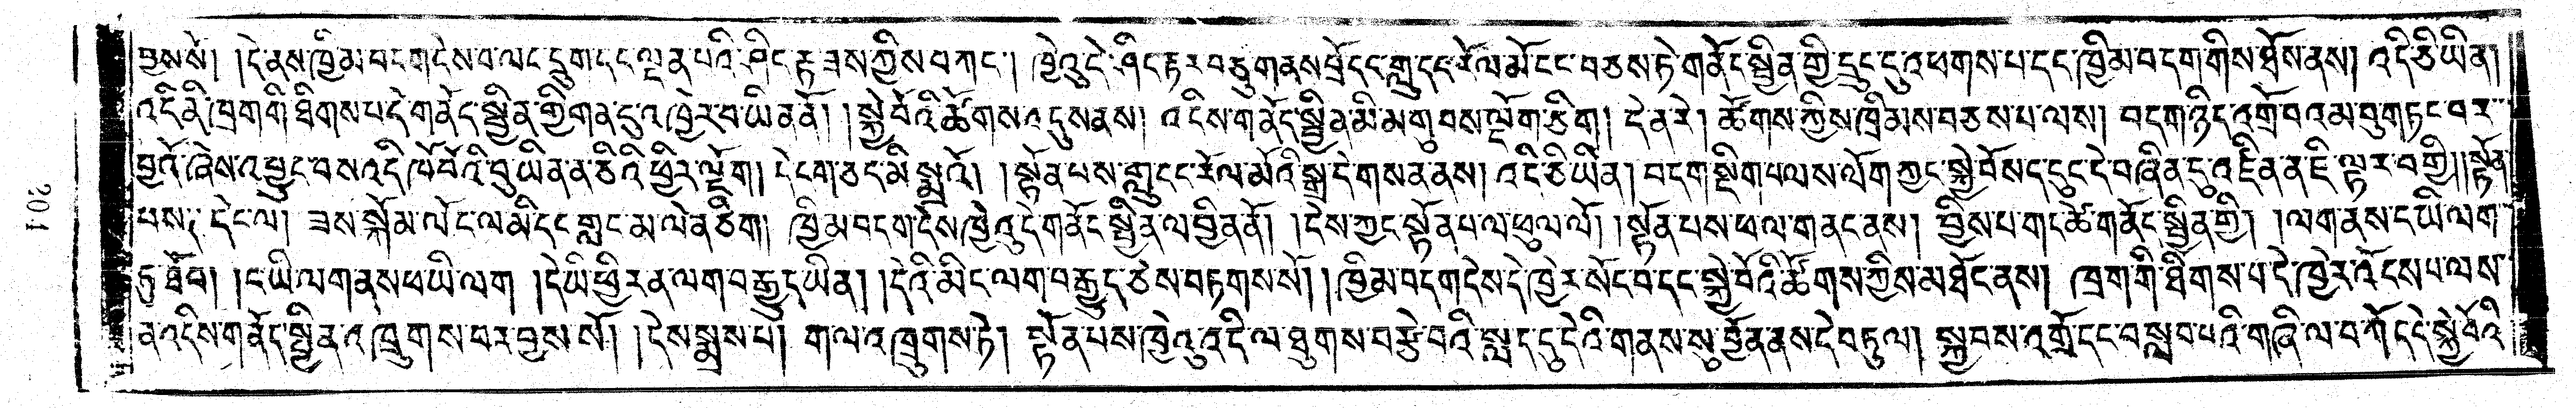བྱས་སོ། །དེ་ནས་ཁྱིམ་བདག་ངེས་བ་ལང་དྲུག་དང་ལྡན་པའི་ཤིང་རྟ་ཟས་ཀྱིས་བཀང་། ཁྱེའུ་དེ་ཤིང་རྟར་བཅུག་ནས་བྲོ་དང་གླུ་དང་རོལ་མོ་དང་བཅས་ཏེ་གནོད་སྦྱིན་གྱི་དྲུང་དུ་འཕགས་པ་དང་ཁྱིམ་བདག་གིས་ཐོས་ནས། འདི་ཅི་ཡིན།
འདི་ནི་ཁྲག་གི་ཐིགས་པ་དེ་གནོད་སྦྱིན་གྱི་གན་དུ་འཁྱེར་བ་ཡིན་ནོ། །སྐྱེ་བོའི་ཚོགས་འདུས་ནས། འདིས་གནོད་སྦྱིན་མི་མགུ་བས་ལྡོག་ཅིག །དེ་ན་རེ། ཚོགས་ཀྱིས་ཁྲིམས་བཅས་པ་ལས། བདག་ཉིད་འགྲོ་བའམ་བུ་གཏང་བར་
བྱའོ་ཞེས་འབྱུང་བས་འདི་ཁོ་བོའི་བུ་ཡིན་ན་ཅིའི་ཕྱིར་ལྡོག །དེ་དག་ཅད་མི་སྨྲའོ། །སྟོན་པས་གླུ་དང་རོལ་མོའི་སྒྲ་དེ་གསན་ནས། འདི་ཅི་ཡིན། བདག་སྡིག་པ་ལས་ལོག་ཀྱང་སྐྱེ་བོས་ད་དུང་དེ་བཞིན་དུ་འཛིན་ན་ཇི་ལྟར་བགྱི། །སྟོན་
པས༑ དེང་ལ། ཟས་སྐོམ་ལོང་ལ་མི་དང་གླང་མ་ལེན་ཅིག །ཁྱིམ་བདག་དེས་ཁྱེའུ་དེ་གནོད་སྦྱིན་ལ་བྱིན་ནོ། །དེས་ཀྱང་སྟོན་པ་ལ་ཕུལ་ལོ། །སྟོན་པས་ཕ་ལ་གནང་ནས། བྱིས་པ་གང་ཚེ་གནོད་སྦྱིན་གྱི། །ལག་ནས་ད་ཡི་ལག་
ཏུ་ཐོབ། །ང་ཡི་ལག་ནས་ཕ་ཡི་ལག །དེ་ཡི་ཕྱིར་ན་ལག་བརྒྱུད་ཡིན། །དེའི་མིང་ལག་བརྒྱུད་ཅེས་བཏགས་སོ། །ཁྱིམ་བདག་དེས་དེ་ཁྱེར་སོང་བ་དང་སྐྱེ་བོའི་ཚོགས་ཀྱིས་མཐོང་ནས། ཁྲག་གི་ཐིགས་པ་དེ་ཁྱེར་འོངས་པ་ལས་
ན་འདིས་གནོད་སྦྱིན་འཁྲུགས་བར་བྱས་སོ། །དེས་སྨྲས་པ། ག་ལ་འཁྲུགས་ཏེ། སྟོན་པས་ཁྱེའུ་འདི་ལ་ཐུགས་བརྩེ་བའི་སླད་དུ་དེའི་གནས་སུ་བྱོན་ནས་དེ་བཏུལ། སྐྱབས་འགྲོ་དང་བསླབ་པའི་གཞི་ལ་བཀོད་དེ་སྐྱེ་བོའི་